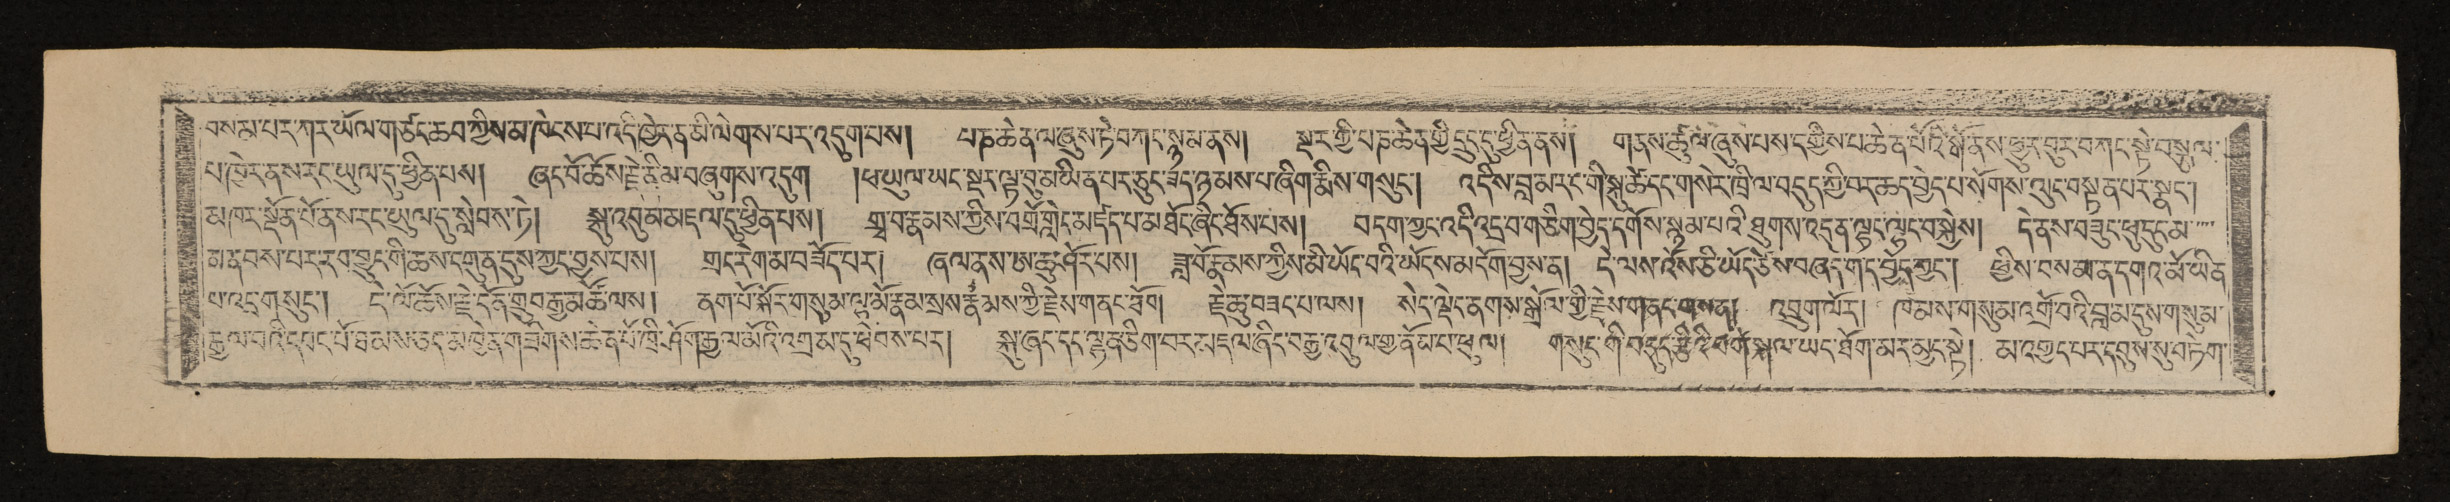བསམ་པར་ཀར་ཡོལ་གཙང་ཆབ་ཀྱིས་མཁེངས་པ་འདི་ཁྱེར་ན་མི་ལེགས་པར་འདུག་པས། པཎ་ཆེན་ལ་ཞུས་ཏེ་བཀང་སྙམ་ནས། སྔར་གྱི་པཎ་ཆེན་གྱི་དྲུང་དུ་ཕྱིན་ནས། གནས་ཚུལ་ཞུས་པས་དགྱེས་པ་ཆེན་པོའི་སྒོ་ནས་ཕྱུར་བུར་བཀང་སྟེ་བསྩལ་
བ་ཁྱེར་ནས་རང་ཡུལ་དུ་ཕྱིན་པས། ཞང་བོ་ཆོས་རྗེ་ནི་མ་བཞུགས་འདུག །ཕ་ཡུལ་ཡང་སྔར་ལྟ་བུ་མ་ཡིན་པར་ཅུང་ཟད་ཉམས་པ་ཞིག་རྨིས་གསུང་། འདིས་བླ་མ་རང་གི་སྐུ་ཚེ་དང་གསེར་ཁྲིལ་བདུད་ཀྱི་བར་ཆད་བྱེད་པ་སོགས་ལུང་བསྟན་པར་སྣང་།
མཁར་སྔོན་པོ་ནས་རང་ཡུལ་དུ་སླེབས་ཏེ། སྐུ་འབུམ་མཇལ་དུ་ཕྱིན་པས། གྲྭ་བ་རྣམས་ཀྱིས་བགྲོ་གླེང་མཛད་པ་མཐོང་ཞིང་ཐོས་པས། བདག་ཀྱང་འདི་འདྲ་བ་གཅིག་བྱེད་དགོས་སྙམ་པའི་ཐུགས་འདུན་ལྷང་ལྷང་བསྐྱེས། དེ་ནས་བཟུང་ཕུ་དུང་མ་
མན་བས་པར་རབ་བྱུང་གི་ཚས་དགུན་དུས་ཀྱང་བྱས་པས། གྲང་རེག་མ་བཟོད་པར། ཞལ་ནས་ཨ་ཆུ་ཤོར་བས། ཟླ་བོ་རྣམས་ཀྱིས་མི་ཡོང་བའི་ཡོངས་མདོག་བྱས་ན། དེ་ལས་འོས་ཅི་ཡོད་ཅེས་བཞད་གང་བྱེད་ཀྱང་། ཕྱིས་བསམ་ན་དགའ་མོ་ཡིན་
བ་འདྲ་གསུང་། དེ་ལོ་ཆོས་རྗེ་དོན་གྲུབ་རྒྱ་མཚོ་ལས། ནག་པོ་སྐོར་གསུམ་ལྷ་མོ་རྣམ་སྲས་རྣམས་ཀྱི་རྗེས་གནང་ཐོབ། རྗེ་ཆུ་བཟང་པ་ལས། སེང་ལྡེང་ནགས་སྒྲོལ་གྱི་རྗེས་གནང་གསན། འབྲུག་ལོར། ཁམས་གསུམ་འགྲོ་བའི་བླ་མ་དུས་གསུམ་
རྒྱལ་བའི་དབང་པོ་ཐམས་ཅད་མཁྱེན་གཟིགས་ཆེན་པོ་ཁྲི་ཤོག་རྒྱལ་མོའི་འགྲམ་དུ་ཕེབས་པར། སྐུ་ཞང་དང་ལྷན་ཅིག་པར་མཇལ་ཞིང་བརྒྱ་འབུལ་གྱ་ནོམ་པ་ཕུལ། གསུང་གི་བདུད་རྩིའི་བགོ་སྐལ་ཡང་ཐོག་མར་མྱང་སྟེ། མ་འགྱང་བར་དབུས་སུ་བཏེག་